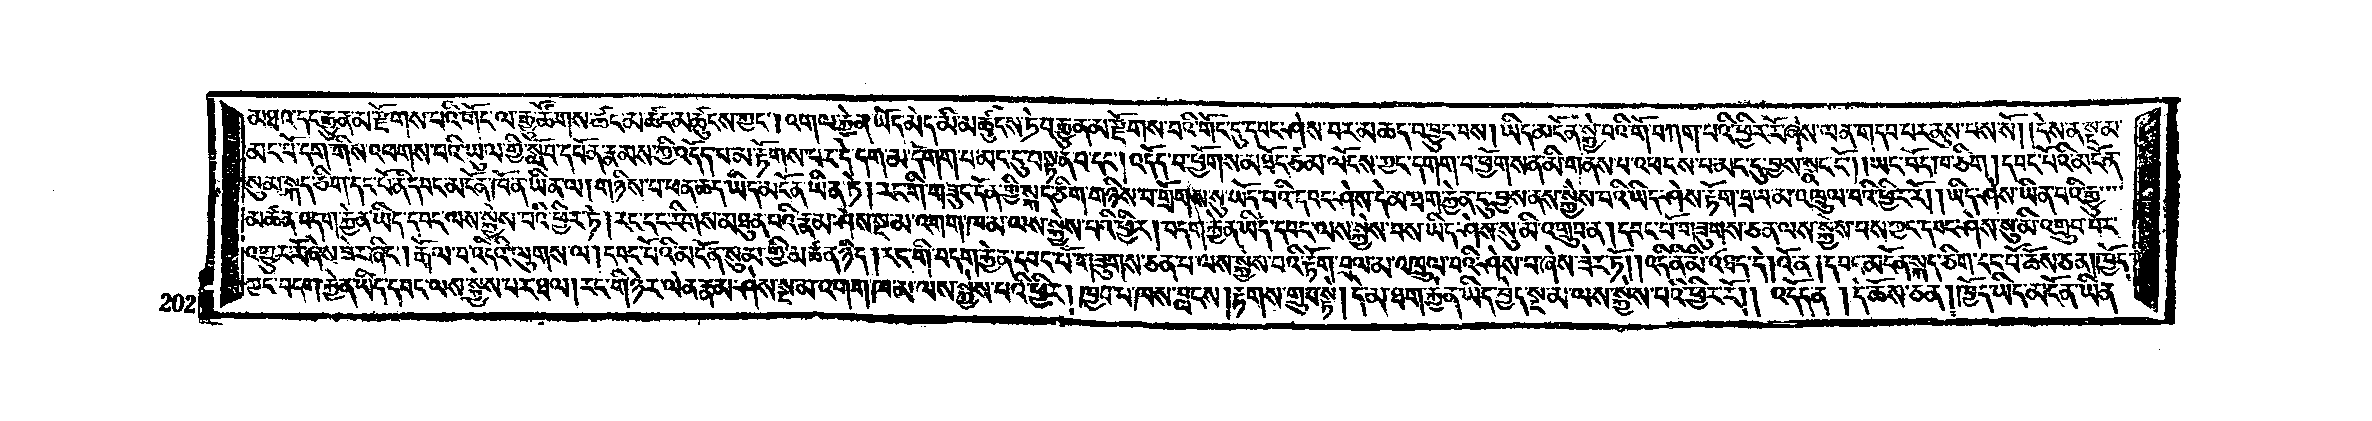མཐའ་དང་རྒྱུན་མ་རྫོགས་པའི་གོང་ལ་རྒྱུ་ཚོགས་ཚན་མ་ཚང་མཚུངས་ཀྱང་། འགལ་རྐྱེན་ཡོད་མེད་མི་མཚུངས་ཏེ་བརྒྱུན་མ་རྫོགས་པའི་གོང་དུ་དབང་ཤེས་བར་མ་ཆད་པ་བྱུང་བས། ཡིད་མངོན་ཀྱེ་བའི་གོ་བཀག་པའི་ཕྱིར་རོ་ཞེས་ལན་གདབ་པར་ནུས་པས་སོ། །དེས་ན་སྔ་མ་
མང་པོ་དག་གིས་འཕགས་པའི་ཡུལ་གྱི་སློབ་དཔོན་རྣམས་ཀྱི་འདོད་པ་མ་རྟོགས་པར་དེ་དག་ལ་དག་པ་མང་དུ་བསྟན་པ་དང་། འདོད་པ་ཕྱོགས་མཐོང་ཙམ་ལོངས་ཀྱང་དག་པ་ཕྱོགས་ན་མི་གནས་པ་མང་དུ་བྱས་སྣང་ངོ། །ཡང་བོད་ཁ་ཅིག །དབང་པོའི་མངོན་
སུམ་སྐད་ཅིག་དང་པོ་ནི་དབང་མངོན་ཁོ་ན་ཡིན་ལ། གཉིས་པ་ཕན་ཆད་ཡིད་མངོན་ཡིན་ཏེ། རང་གི་གཟུང་དོན་གྱི་སྐད་ཅིག་གཉིས་པ་གྲོགས་སུ་ཡོད་པའི་དབང་ཤེས་དེ་མ་ཐག་རྐྱེན་དུ་བྱས་ནས་སྐྱེས་པའི་ཡིད་ཤེས་རྟོག་བྲལ་མ་འཁྲུལ་བའི་ཕྱིར་རོ། །ཡིད་ཤེས་ཡིན་པའི་རྒྱུ་
མཚན་བདག་རྐྱེན་ཡིད་དབང་ལས་སྐྱེས་པའི་ཕྱིར་ཏེ། རང་དང་རིགས་མཐུན་པའི་རྣམ་ཤེས་སྔ་མ་འགག་ཁ་མ་ལས་སྐྱེས་པའི་ཕྱིར། བདག་རྐྱེན་ཡིད་དབང་ལས་སྐྱེས་པས་ཡིད་ཤེས་སུ་མི་འགྲུབ་ན། དབང་པོ་གཟུགས་ཅན་ལས་སྐྱེས་པས་ཀྱང་དབང་ཤེས་སུ་མི་འགྲུབ་པར་
འགྱུར་རོ་ཞེས་ཟེར་ཞིང་། རྒོལ་བ་འདིའི་ལུགས་ལ། དབང་པོའི་མངོན་སུམ་གྱི་མཚན་ཉི། རང་གི་བདག་རྐྱེན་དབང་པོ་གཟུགས་ཅན་པ་ལས་སྐྱེས་པའི་རྟོག་བྲལ་མ་འཁྲུལ་བའི་ཤེས་པ་ཞེས་ཟེར་ཏོ། །འདི་ནི་མི་འཐད་དེ། འོ་ན། དབང་མངོན་སྐད་ཅིག་དང་པོ་ཆོས་ཅན། ཁྱོད་
ཀྱང་བདག་རྐྱེན་ཡིད་དབང་ལས་སྐྱེས་པར་ཐལ། རང་གི་ཉེར་ལེན་རྣམ་ཤེས་སྔ་མ་འགག་ཁ་མ་ལས་སྐྱེས་པའི་ཕྱིར། ཁྱབ་པ་ཁས་བླངས། རྟགས་གྲུབ་སྟེ། དེ་མ་ཐག་རྐྱེན་ཡིད་བྱེད་སྔ་མ་ལས་སྐྱེས་པའི་ཕྱིར་རོ། །འདོད་ན་།དེ་ཆོས་ཅན་།ཁྱོད་ཡིད་མངོན་ཡིན་